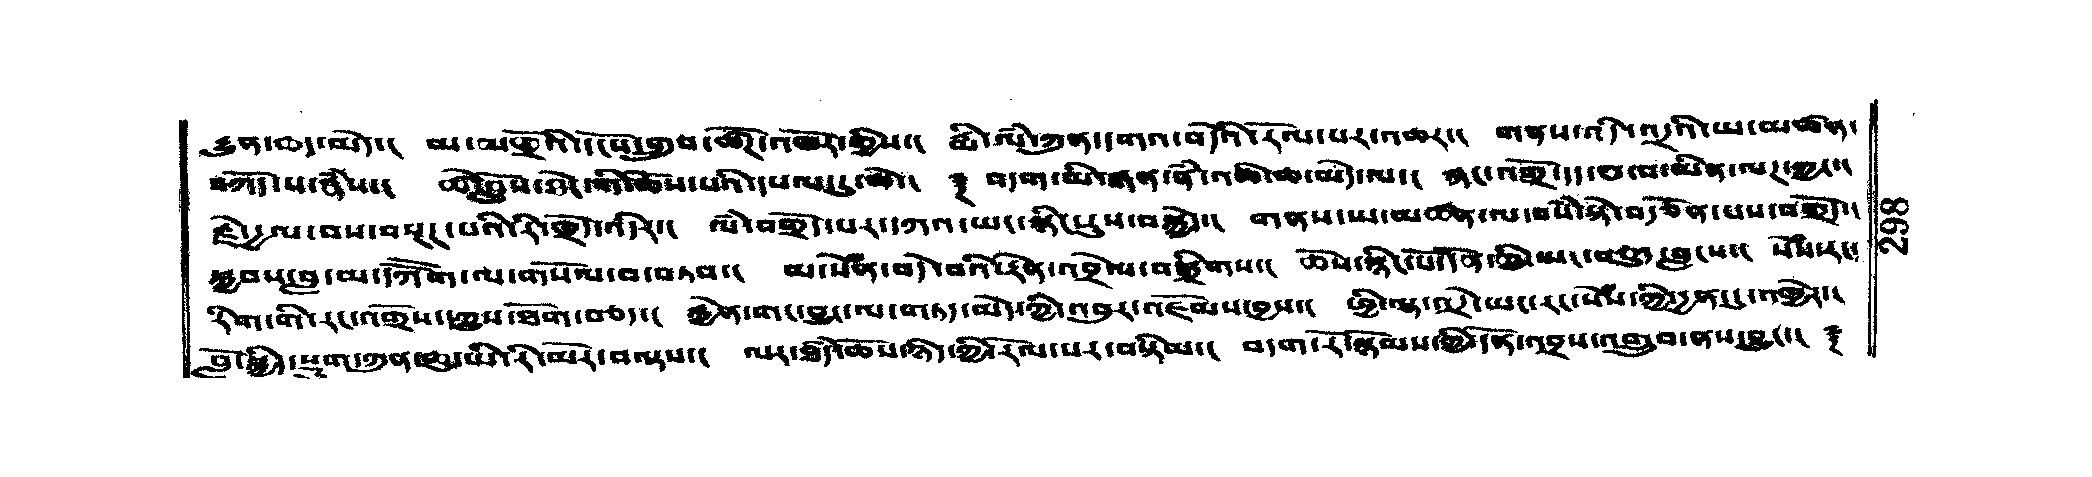རྒྱུན་ཆད་མེད། །མ་མཁའ་འགྲོའི་དངོས་གྲུབ་ཚོགས་འཁོར་གྱིས། །རྨི་ལམ་ཀུན་དགའ་བདེའི་རོལ་པར་འཆར། །གནས་འདི་འདྲའི་ཡ་མཚན་
བཀོད་པ་རྣམས། །ཚེ་བློས་ཐོང་གི་ཆོས་པའི་དཔལ་དུ་ཆེ། །བདག་མི་རྒན་ནམ་འཆི་ཆ་མེད་ལ། །རྐང་འགྲོ་དད་ཁ་ལ་མིན་ལགས་ཀྱང་། 
རྗེ་རྒྱལ་བས་བསྔགས་པའི་རི་ཁྲོད་འདིར། །ལམ་བགྲོད་པར་དཀའ་ཡང་སྙིང་རུས་བསྐྱེད། །གནས་ཡ་མཚན་ལ་བསམ་སྟེ་བརྩོན་པས་བགྲོད། །
སྐྱབས་བླ་མ་དཀོན་མཆོག་ལ་གསོལ་བ་བཏབ། །མ་སེམས་ཅན་བདེ་བའི་རྟེན་འབྲེལ་བསྒྲིགས། །ཆོས་སྙིང་པོ་དོན་གྱི་ཡང་བཅུད་བླངས། །སེམས་རང་
རིག་གི་རང་འགྲོས་དཀྱུས་ཐོག་བཅད། །རྐྱེན་གང་བྱུང་ལ་གཏད་མེད་ཀྱི་འབུར་འཇོམས་བྱས། །ཕྱི་ལྷ་འདྲེ་ཡང་རང་སེམས་ཀྱི་རྒྱན་དུ་འཁྱེར། །
བློ་སྐྱིད་སྡུག་ཀུན་ཆུ་ཡི་རི་མོར་བལྟས། །ལར་ཐམས་ཅད་ཆོས་ཉིད་རོལ་པར་བསྟིམ། །བདག་རོ་སྙོམས་ཀྱི་དོན་འབྲས་འགྲུབ་ནས་བྱུང་།